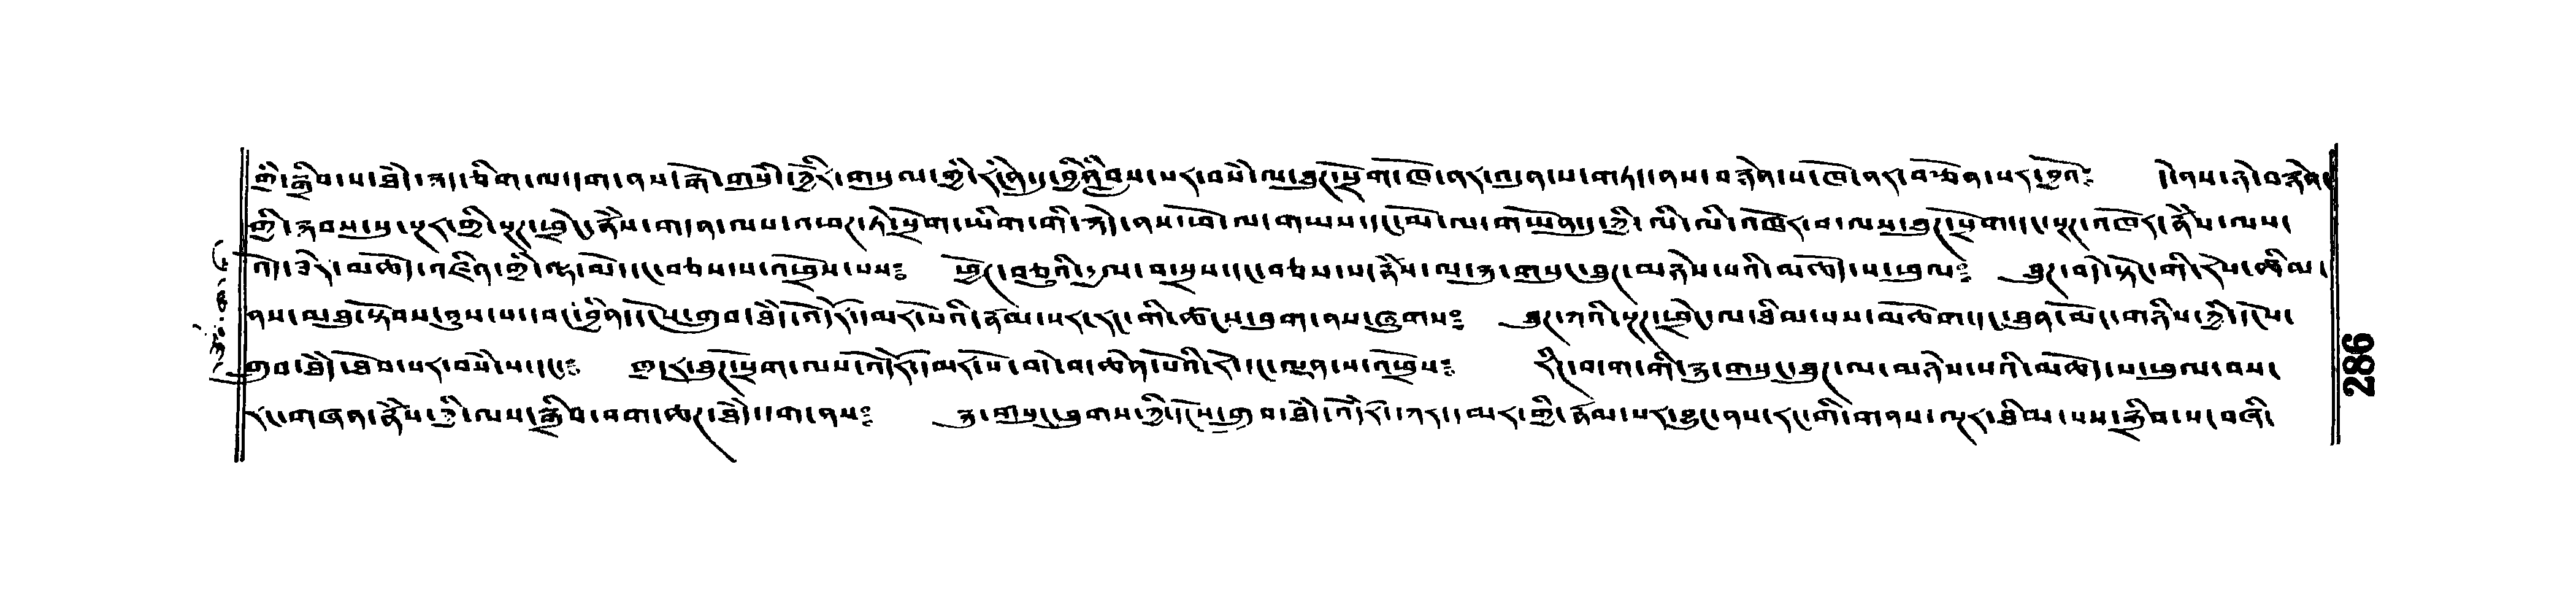གྱི་སྒྲིབ་པ་ཐམས་སྐད་ཅིག་ལ་དག་ནས་སྒོ་གསུམ་དཀྱིལ་འཁོར་གསུམ་གྱི་རང་བཞིན་དུ་བྱིན་གྱིས་རླབས་པར་བསམ་ལ་ཐུགས་སྲོག་ཁོ་ནར་འདུན་པ་གཏད་ནས་བསྙེན་པ་ཁོ་ནར་བརྩོན་པར་བྱའོ༔ དེ་ནས་ཉེ་བསྙེན་
གྱི་སྐབས་སུ་སྔར་གྱི་སྔགས་ཕྲེང་རྣམས་གདན་ལས་འཕགས་ཏེ་སྲོག་ཡིག་གི་སྐེད་ནས་ཕོ་ལ་གཡས་དང་མོ་ལ་གཡོན་དུ་ཀྱི་ལི་ལི་འཁོར་བ་ལས་ཐུགས་སྲོག་དང་སྔགས་འཁོར་རྣམས་ལས་
འོད་ཟེར་མཆོད་འཛིན་གྱི་ལྷ་མོ་དང་བཅས་པ་འཕྲོས་པས༔ཕྱོགས་བཅུའི་རྒྱལ་བ་སྲས་དང་བཅས་པ་རྣམས་ལ་སྐུ་གསུང་ཐུགས་མཉེས་པའི་མཆོད་པ་ཕུལ༔ ཐུགས་བདེ་སྟོང་གི་རོས་ཚིམ་
ནས་མཐུ་སྟོབས་ནུས་པ་དབང་བྱིན་དངོས་གྲུབ་ཐམས་ཅད་འོད་ཟེར་དམར་པོའི་རྣམ་པར་རང་གི་ཚངས་བུག་ནས་ཞུགས༔ ཐུགས་ཀའི་སྔགས་ཕྲེང་ལ་ཐིམ་པས་མཆོག་དང་ཐུན་མོང་གཉིས་ཀྱི་དངོས་
གྲུབ་ཐམས་ཅད་ཐོབ་པར་བསམ་པ་དང༔ ཁྱད་པར་ཐུགས་སྲོག་ལས་འོད་ཟེར་དམར་པོ་བདེ་བ་ཆེན་པོའི་རོ་དང་ལྡན་པ་འཕྲོས༔ རིགས་བདག་གི་སྐུ་གསུང་ཐུགས་ལ་མཉེས་པའི་མཆོད་པ་ཕུལ་བས་
རང་གཞན་རྣམས་ཀྱི་ལས་སྒྲིབ་བག་ཆགས་ཐམས་ཅད་དག་ནས༔ སྐུ་གསུང་ཐུགས་ཀྱི་དངོས་གྲུབ་ཐམས་ཅད་འོད་ཟེར་དཀར་དམར་གྱི་རྣམ་པར་བྱུང་ནས་རང་གི་གནས་ལྔར་ཐིམ་པས་སྒྲིབ་པ་བཞི་